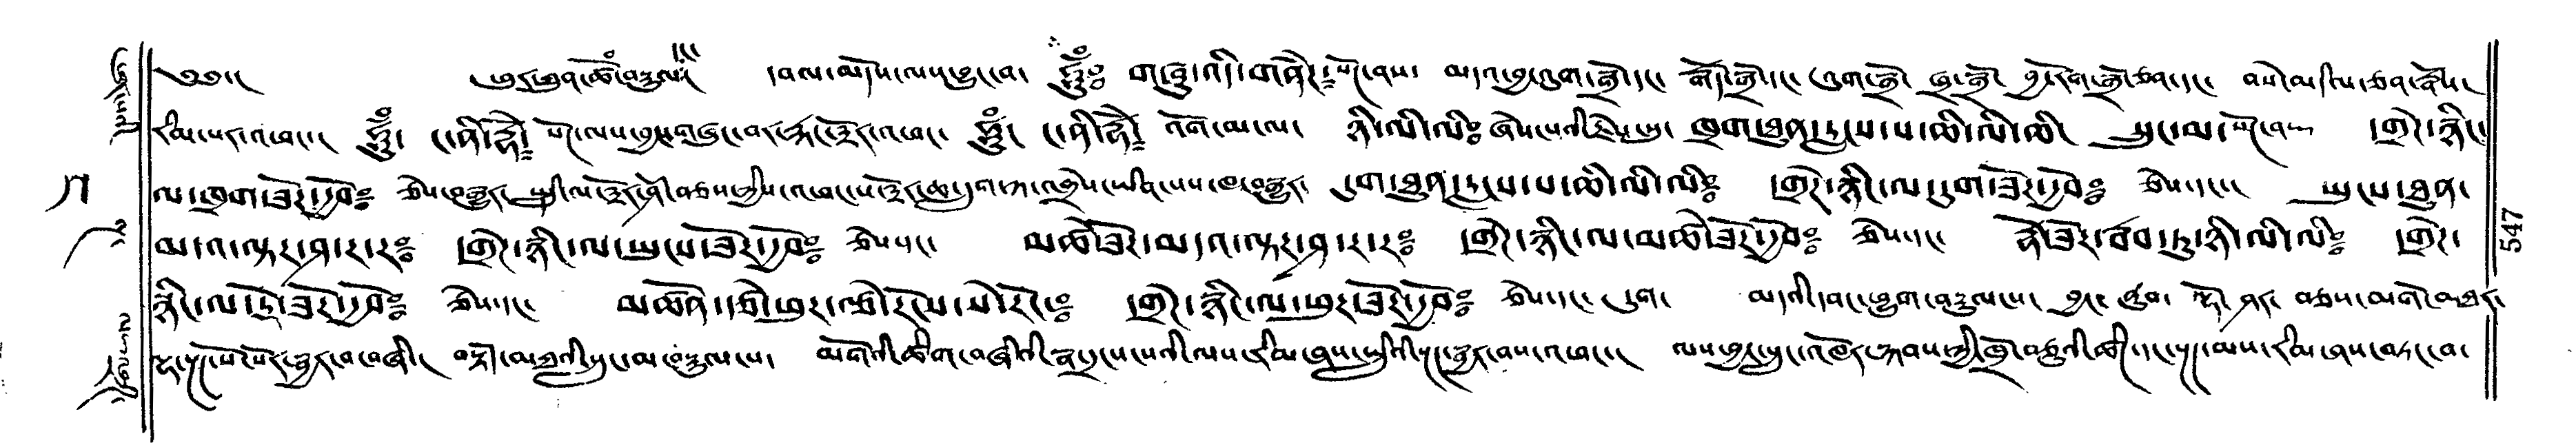ཕུར་ཐུན་ཚོམ་བསྐུལ་དང་། དབལ་མདོས་ལས་བྱུང་བ། ཧཱུྃ༔ གཞུ་འདི་གནམ་ལྕགས༴ སོགས་ནས། མདའ་འུག་སྒྲོ་དང་། རྒོད་སྒྲོ་དང་། ཁྲ་སྒྲོ། བྱ་རོག་སྒྲོ་ཅན་དང་། བསེ་མདིལ་ཅན་རྣམས། 
རིམ་པར་འཕང་། ཧཱུྃ༔ ང་ནི་རྡོ་རྗེ༴ སོགས་ལས་བྱང་གཞུང་བར་རྐང་ཟོར་འཕང་། ཧཱུྃ༔ ང་ནི་རྡོ་རྗེ༴ འོག་མ་ལ། ཉི་ལི་ལི༔ ཞེས་པའི་རྗེས་སུ། ཁྲག་ཐུན་རླངས་པ་ཆི་ལི་ཆི༔ སྲུང་མ༴ སོགས་ནས། དགྲ་བགེགས་སྙིང་
ལ་ཁྲག་ཟོར་རྒྱོབ༔ ཅེས་བསྒྱུར།སྤུ་གྲི་ལ་ཟོར་གཤམ་བཅས་ཀྱིས་འཕང་པ་ཟོར་ཆ་དྲུག་ཀ་འགྲེས་ཡིན་པས་ཁ་བསྒྱུར། དུག་ཐུན་རླངས་པ་ཆི་ལི་ལི༔ དགྲ་བགེགས་སྙིང་ལ་དུག་ཟོར་རྒྱོབ༔ ཅེས་དང་། ཡུངས་ཐུན་
མདའ་ལྟར་ཤ་ར་ར༔ དགྲ་བགཻགས་སྙིང་ལ་ཡུངས་ཟོར་རྒྱོབ༔ ཅེས་དང་། མཚེ་ཟོར་མདའ་ལྟར་ཤ་ར་ར༔ དགྲ་བགེགས་སྙིང་ལ་མཚེ་ཟོར་རྒྱོབ༔ ཅེས་དང་། རྣོ་ཟོར་རྦབ་ཏུ་ཉི་ལི་ལི༔ དགྲ་བགེགས་
སྙིང་ལ་རྡོ་ཟོར་རྒྱོབ༔ ཅེས་དང་། མཚོན་རྩེ་ཕུར་རྩེ་རོངས་སེ་རོང༔ དགྲ་བགེགས་སྙིང་ལ་ཕུར་ཟོར་རྒྱོབ༔ ཅེས་དང་། དུག་མདའི་དབང་ཕྱུག་བསྐུལ་པ། བྱང་། ནུབ། ལྷོ། ཤར། བཅས་མགོ་མཐར་
ལྷ་སྔགས་སོ་སོར་སྦྱར་བ་བཞི། སྟོད་མཐའི་སྲུང་མ་བསྐུལ་པ། མགོའི་ཚིག་བཞིའི་སྣ་དྲངས་པའི་མས་རིམ་ནས་སྤུ་གྲིའི་སྔགས་སྦྱར་བས་འཕང་། ལས་བྱང་སྲུང་འཁོར་སྐབས་ཀྱི་ཁྲོ་བཅུའི་ཚིག་དང་སྔགས་མས་རིམ་ནས་གཏོང་བ་